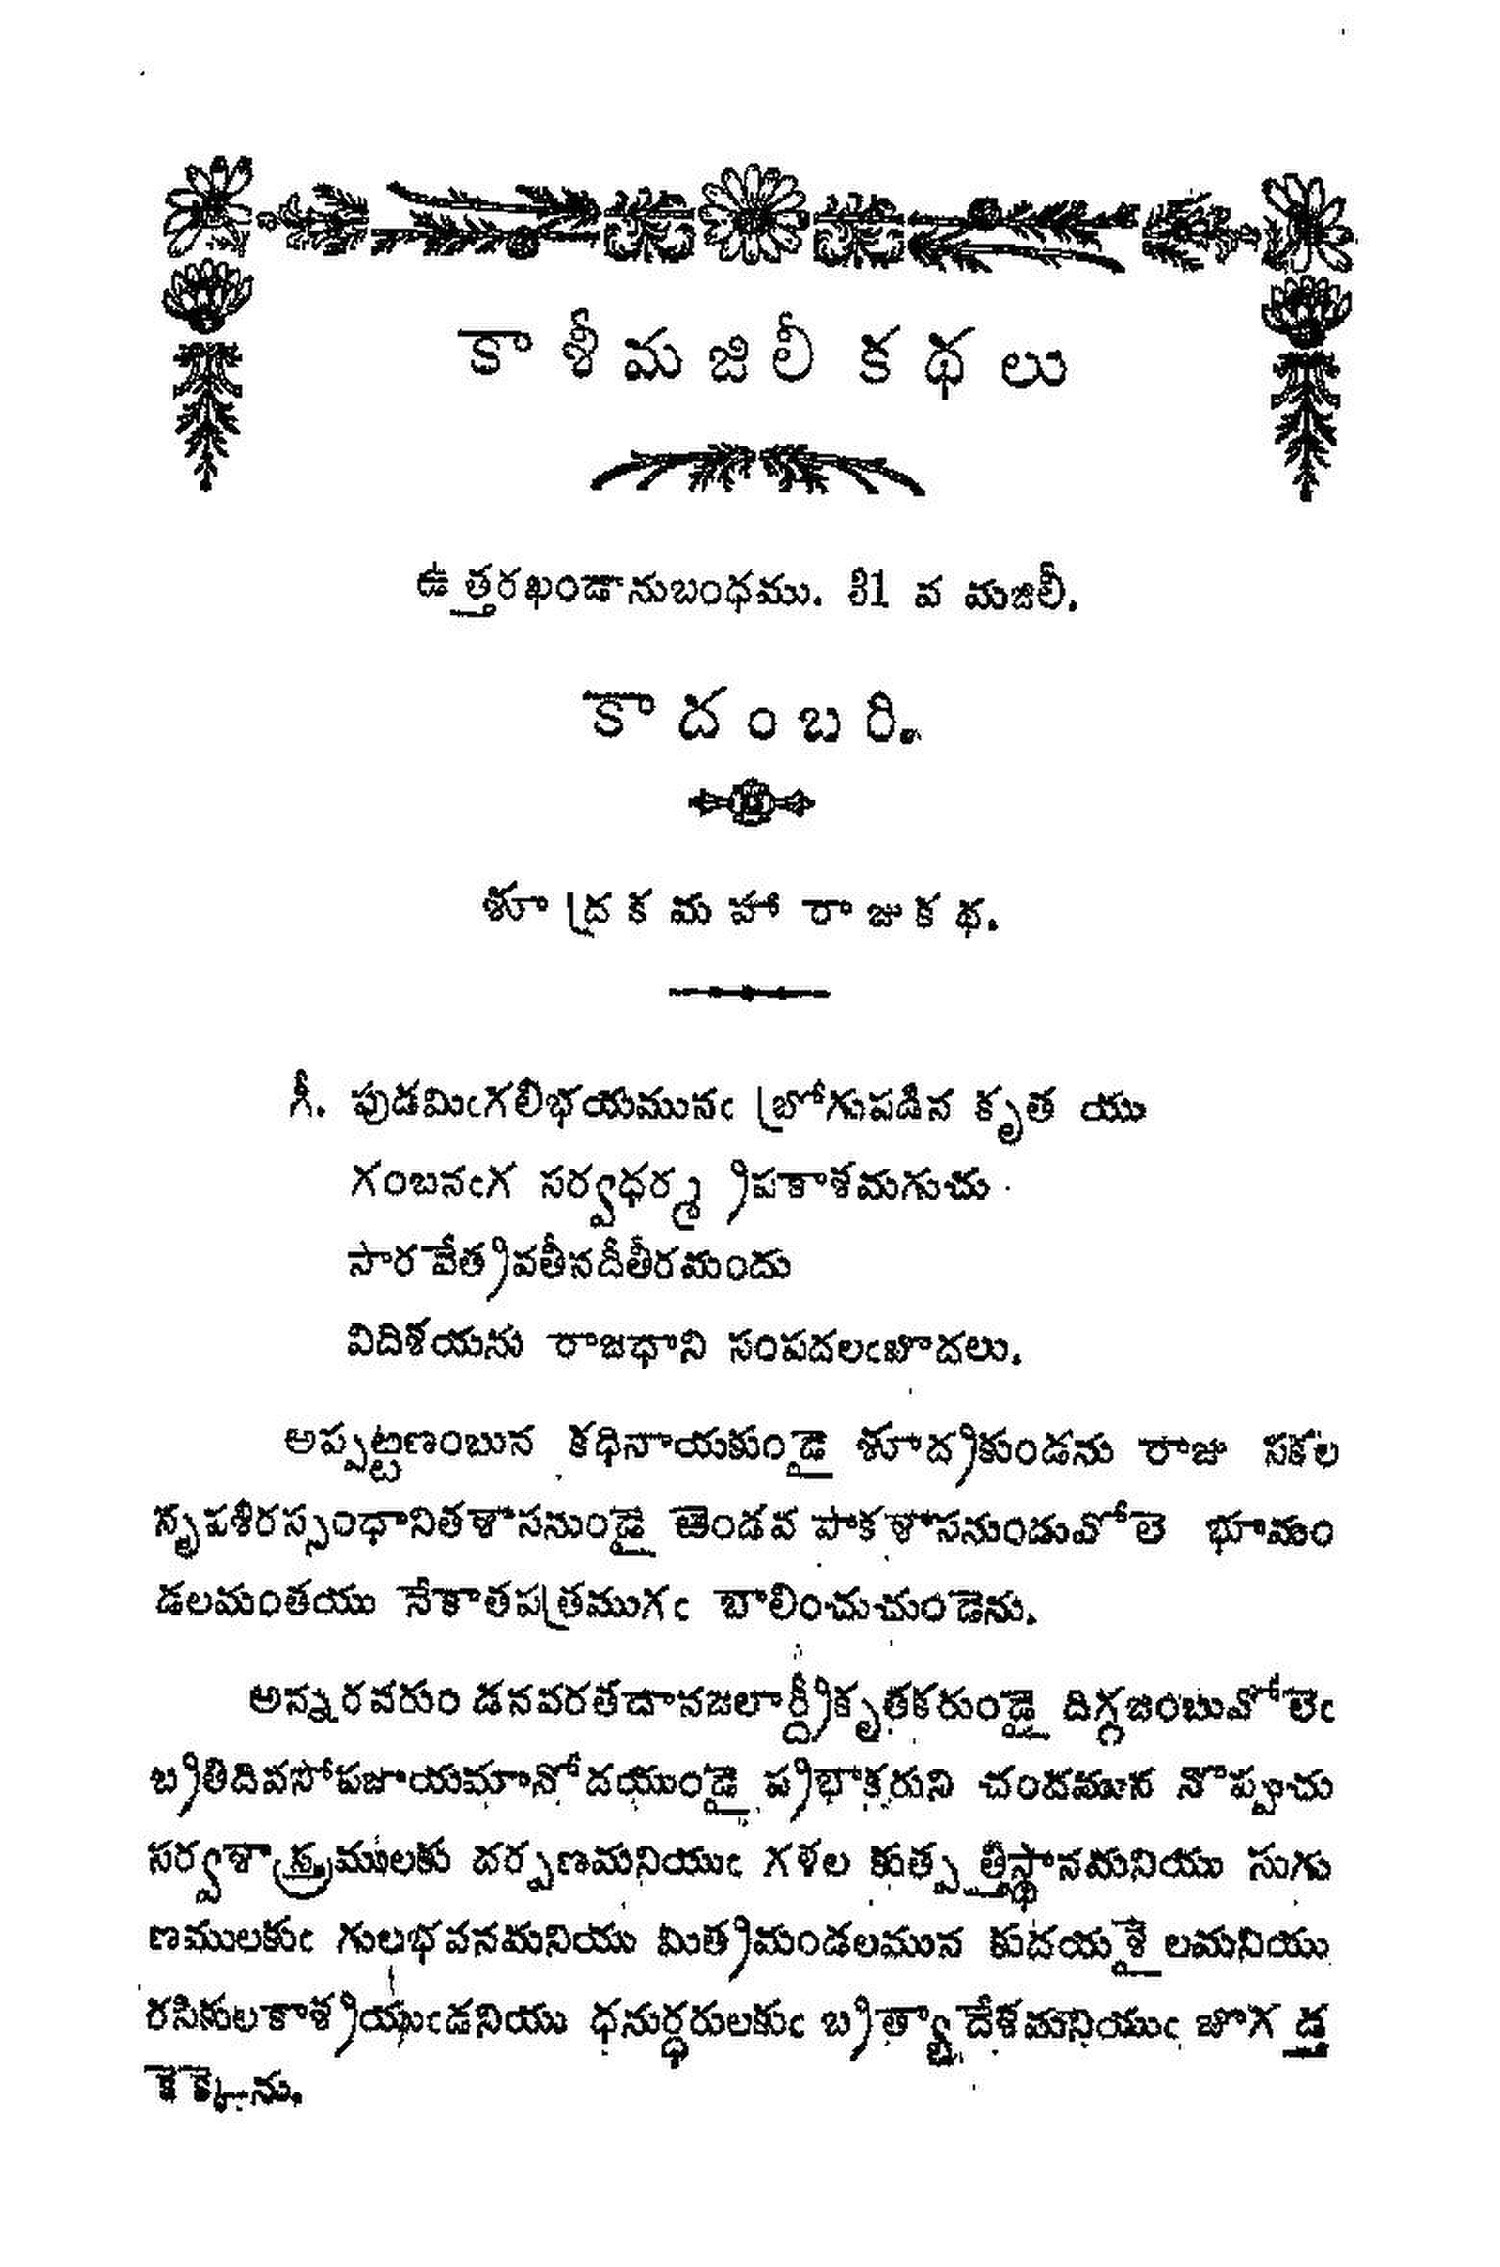కాశీమజిలీ కథలు

ఉత్తరఖండానుబంధము. 31 వ మజిలీ.

కాదంబరి.

శూద్రకమహారాజుకథ.

గీ. పుడమిఁగలిభయమునఁ బ్రోగుపడిన కృత యు
 గంబనఁగ సర్వధర్మ ప్రకాశమగుచు
 సారవేత్రవతీనదీతీరమందు
 విదిశయను రాజధాని సంపదలఁబొదలు.

అప్పట్టణంబున కధినాయకుండై శూద్రకుండను రాజు సకల నృపశిరస్సంధానితశాసనుండై ఱెండవ పాకశాసనుండువోలె భూమండలమంతయు నేకాతపత్రముగఁ బాలించుచుండెను.

అన్నరవరుం డనవరతదానజలార్ద్రీకృతకరుండై దిగ్గజంబువోలెఁ బ్రతిదివసోపజాయమానోదయుండై ప్రభాకరుని చందమున నొప్పుచు సర్వశాస్త్రములకు దర్పణమనియుఁ గళల కుత్పత్తిస్థానమనియు సుగుణములకుఁ గులభవనమనియు మిత్రమండలమున కుదయశైలమనియు రసికులకాశ్రయుఁడనియు ధనుర్ధరులకుఁ బ్రత్యాదేశమనియుఁ బొగడ్త కెక్కెను.